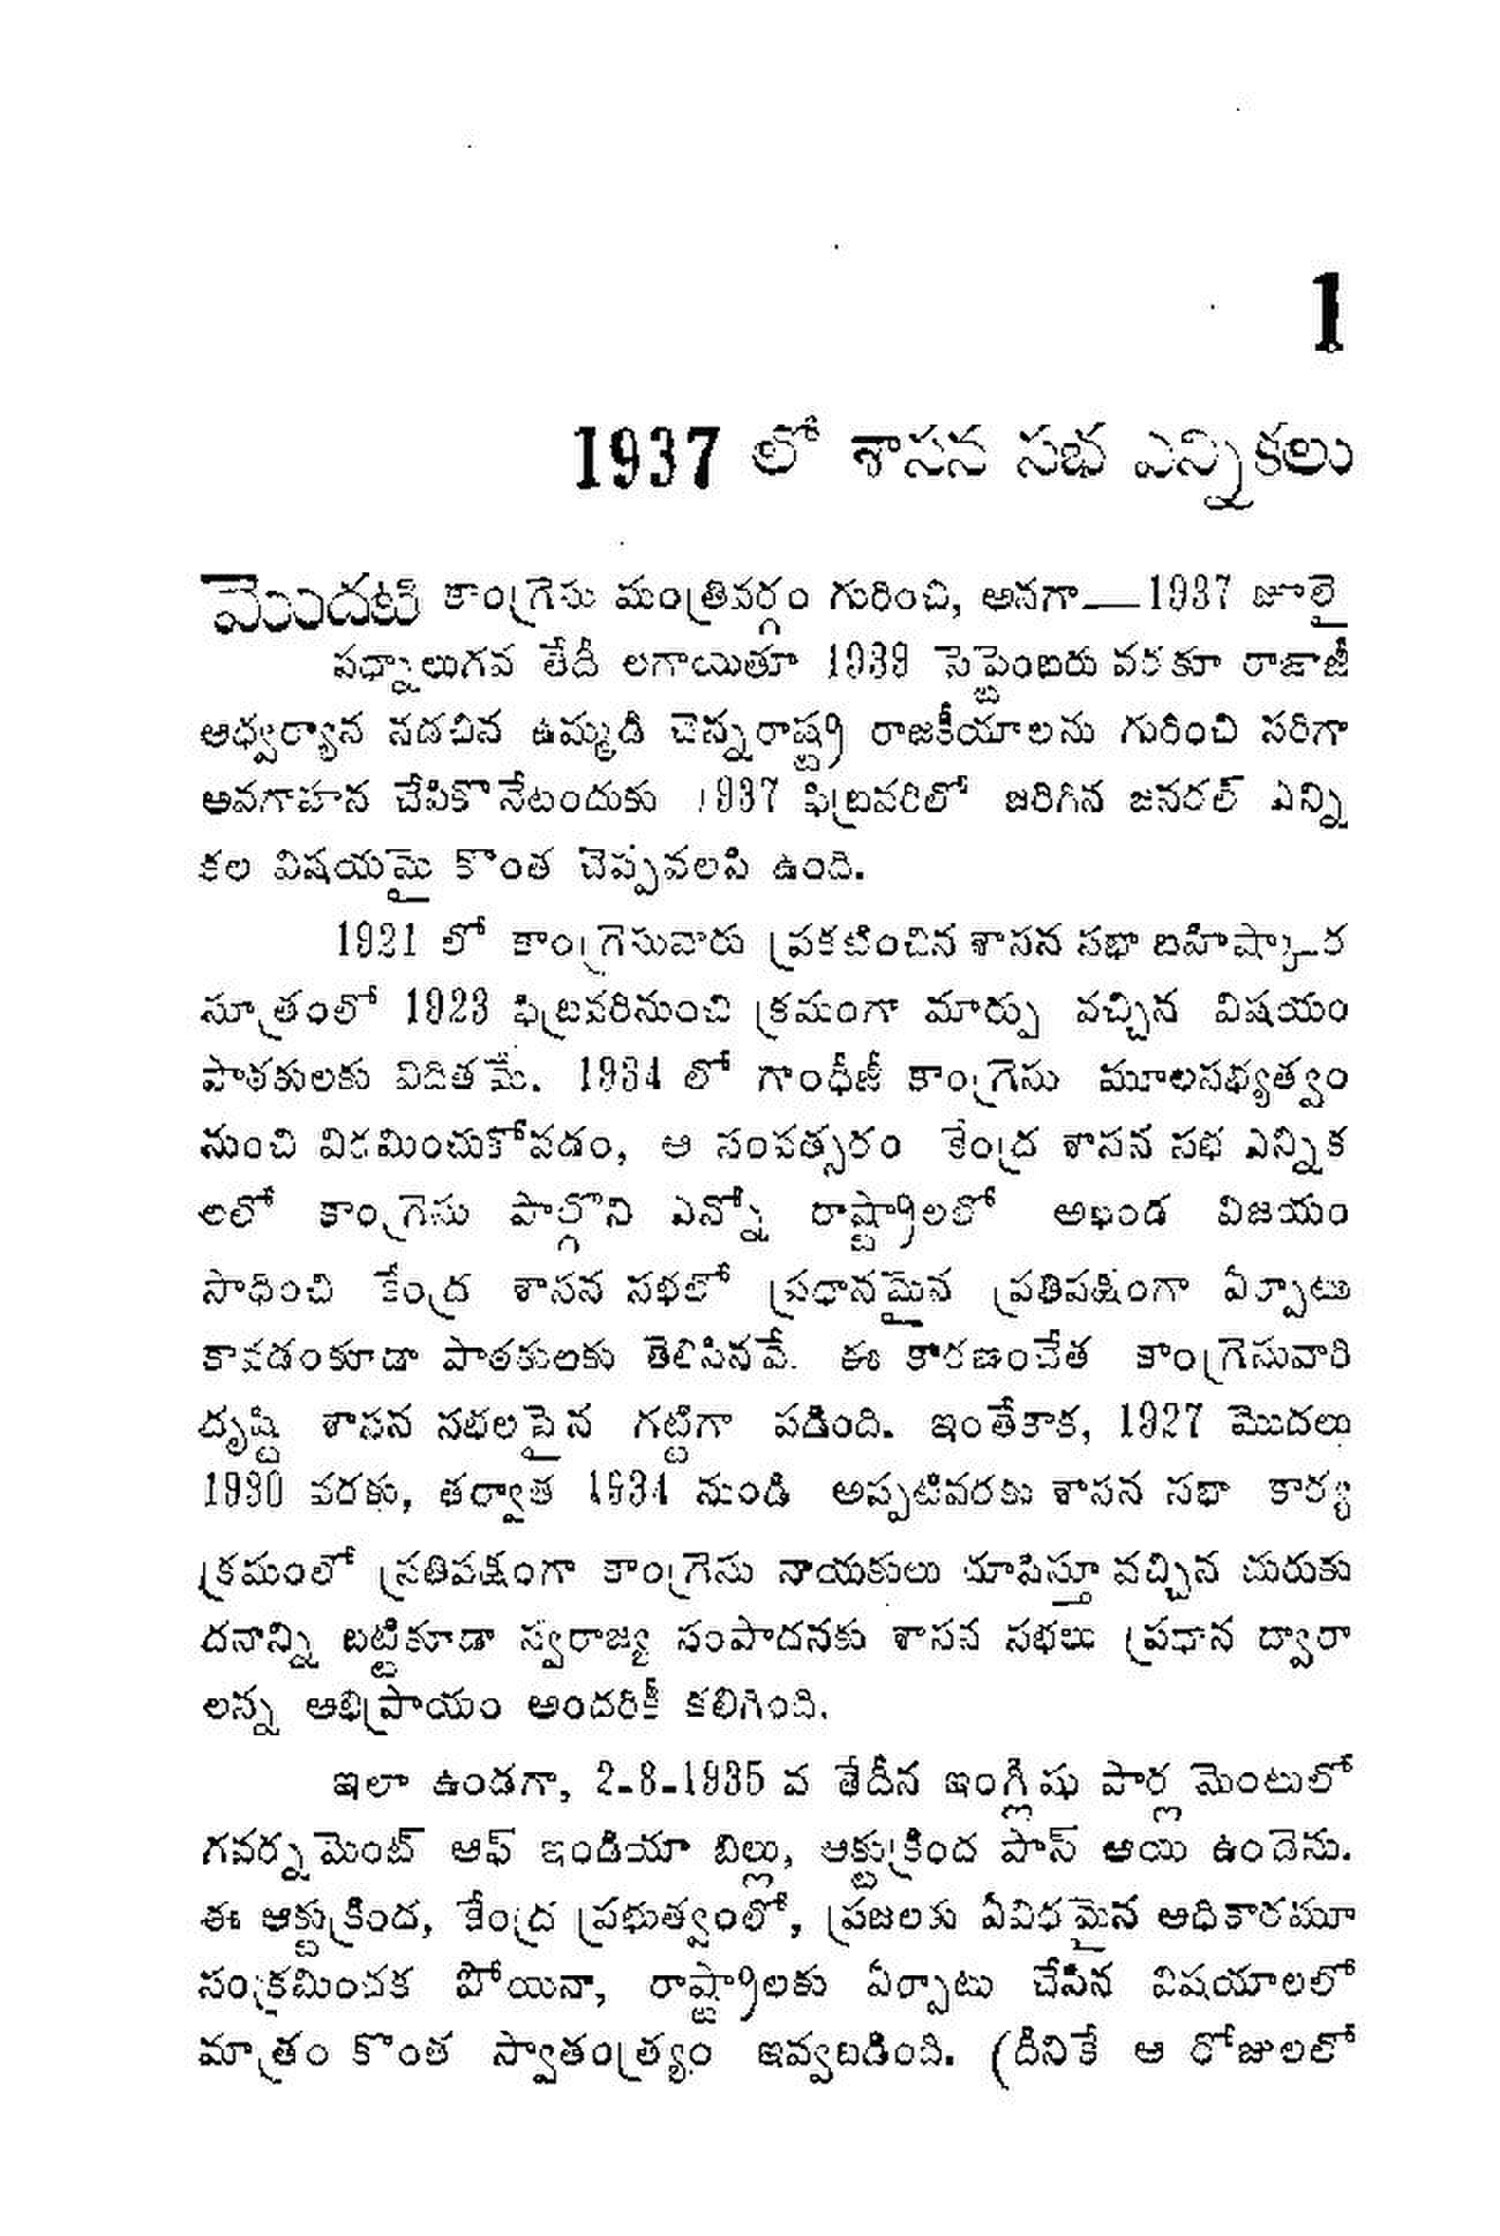మొదటి కాంగ్రెసు మంత్రివర్గం గురించి, అనగా - 1937 జూలై పద్నాలుగవ తేదీ లగాయితూ 1939 సెప్టంబరు వరకూ రాజాజీ ఆధ్వర్యాన నడచిన ఉమ్మడి చెన్నరాష్ట్ర రాజకీయాలను గురించి సరిగా అవగాహన చేసికొనేటందుకు 1937 ఫిబ్రవరిలో జరిగిన జనరల్ ఎన్నికల విషయమై కొంత చెప్పవలసి ఉంది.

1921 లో కాంగ్రెసువారు ప్రకటించిన శాసన సభా బహిష్కార సూత్రంలో 1923 ఫిబ్రవరినుంచి క్రమంగా మార్పు వచ్చిన విషయం పాఠకులకు విదితమే. 1934 లో గాంధీజీ కాంగ్రెసు మూలసభ్యత్వం నుంచి విరమించుకోవడం, ఆ సంవత్సరం కేంద్ర శాసన సభ ఎన్నికలలో కాంగ్రెసు పాల్గొని ఎన్నో రాష్ట్రాలలో అఖండ విజయం సాధించి కేంద్ర శాసన సభలో ప్రధానమైన ప్రతిపక్షంగా ఏర్పాటు కావడంకూడా పాఠకులకు తెలిసినవే. ఈ కారణంచేత కాంగ్రెసువారి దృష్టి శాసన సభలపైన గట్టిగా పడింది. ఇంతేకాక, 1927 మొదలు 1930 వరకు, తర్వాత 1934 నుండి అప్పటివరకు శాసన సభా కార్యక్రమంలో ప్రతిపక్షంగా కాంగ్రెసు నాయకులు చూపిస్తూ వచ్చిన చురుకుదనాన్ని బట్టికూడా స్వరాజ్య సంపాదనకు శాసన సభలు ప్రధాన ద్వారాలన్న అభిప్రాయం అందరికీ కలిగింది.

ఇలా ఉండగా, 2 - 8 - 1935 వ తేదీన ఇంగ్లీషు పార్ల మెంటులో గవర్నమెంట్ ఆఫ్ ఇండియా బిల్లు, ఆక్టుక్రింద పాస్ అయి ఉండెను. ఈ ఆక్టుక్రింద, కేంద్ర ప్రభుత్వంలో, ప్రజలకు ఏవిధమైన అధికారమూ సంక్రమించక పోయినా, రాష్ట్రాలకు ఏర్పాటు చేసిన విషయాలలో మాత్రం కొంత స్వాతంత్ర్యం ఇవ్వబడింది. (దీనికే ఆ రోజులలో